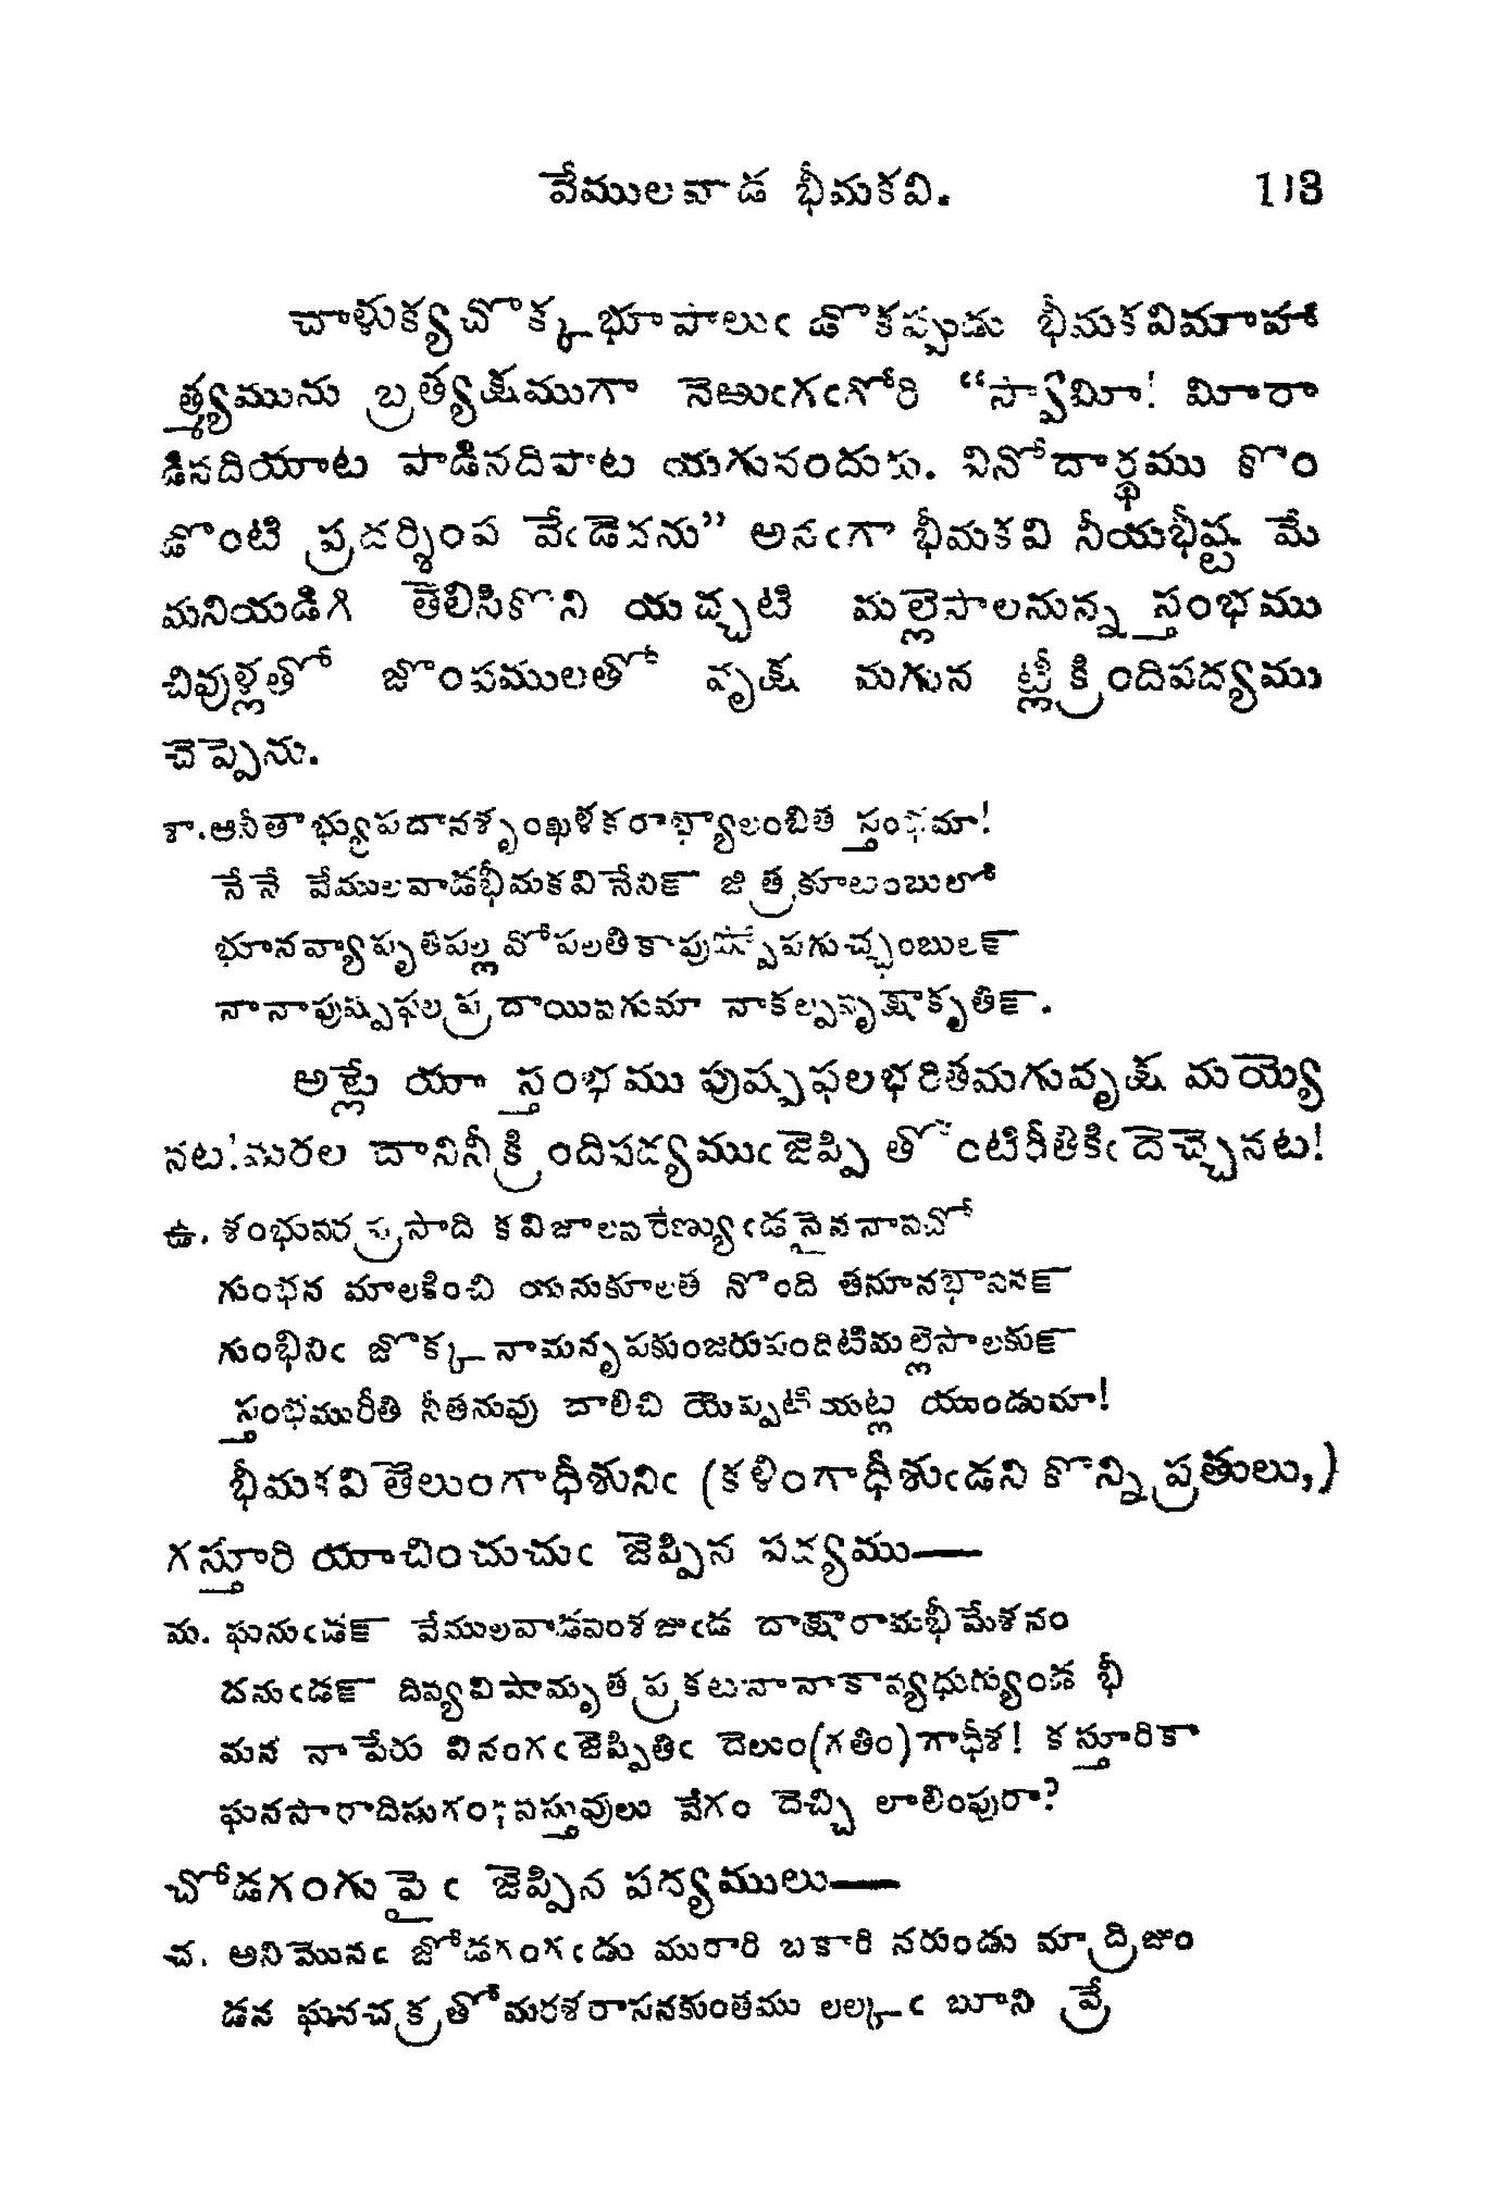చాళుక్యచొక్కభూపాలుఁ డొకప్పుడు భీమకవిమాహాత్మ్యమును బ్రత్యక్షముగా నెఱుఁగఁగోరి “స్వామీ! మీ రాడినది యాట పాడినది పాట యగునందురు. వినోదార్థము కొండొకటి ప్రదర్శింప వేఁడెదను” అనఁగా భీమకవి నీయభీష్ట మే మని యడిగి తెలుసుకొని యచ్చటి మల్లెసాలనున్న స్తంభము చివుళ్ళతో జొంపములతో వృక్ష మగున ట్లీక్రింది పద్యము చెప్పెను.
శా. ఆనీతాభ్యుపదానశృంఖళకరాభ్యాలంబితస్తంభమా!
 నేనే వేములవాడభీమకవినేనిన్ జిత్రకూటంబులో
 భూనవ్యాపృతపల్లవోపలతికాపుష్పోపగుఛ్ఛంబులన్
 నానాపుష్పఫలప్రదాయి వగుమా నాకల్పవృక్షాకృతిన్.
అట్లే యాస్తంభము పుష్పఫలభరిత మగువృక్ష మయ్యెనఁట 
ఉ. శంభువరప్రసాది కవిజాలవరేణ్యుఁడ నైన నావచో
 గుంభన మాలకించి యనుకూలత నొంది తనూనభావనన్
 గుంభినిఁ జొక్కనామనృపకుంజరుపందిటిమల్లెసాలకున్
 స్తంభమురీతి నీతనువు దాలిచి యెప్పటియట్ల యుండుమా!
భీమకవి తెలుంగాధీశునిఁ (కళింగాధీశుఁ డని కొన్ని ప్రతులు) గస్తూరి యాచించుచుఁ జెప్పిన పద్యము—
మ. ఘనుఁడన్ వేములవాడవంశజుఁడ ద్రాక్షారామభీమేశనం
 దనుఁడన్ దివ్యవిషామృతప్రకటనానాకావ్యధుర్యుండ భీ
 మన నా పేరు వినంగఁ జెప్పితి, దెలుం(గళిం)గాధీశ! కస్తూరికా
 ఘనసారాదిసుగంధవస్తువులు వేగం దెచ్చి లాలింపురా!
చోడగంగుపైఁ జెప్పిన పద్యములు—
చ. అనిమొనఁ జోడగంగఁడు మురారి బలారి నరుండు మాద్రిజుం
 డన ఘనచక్రతోమరశరాసనకుంతము లల్కఁ బూని వ్రే